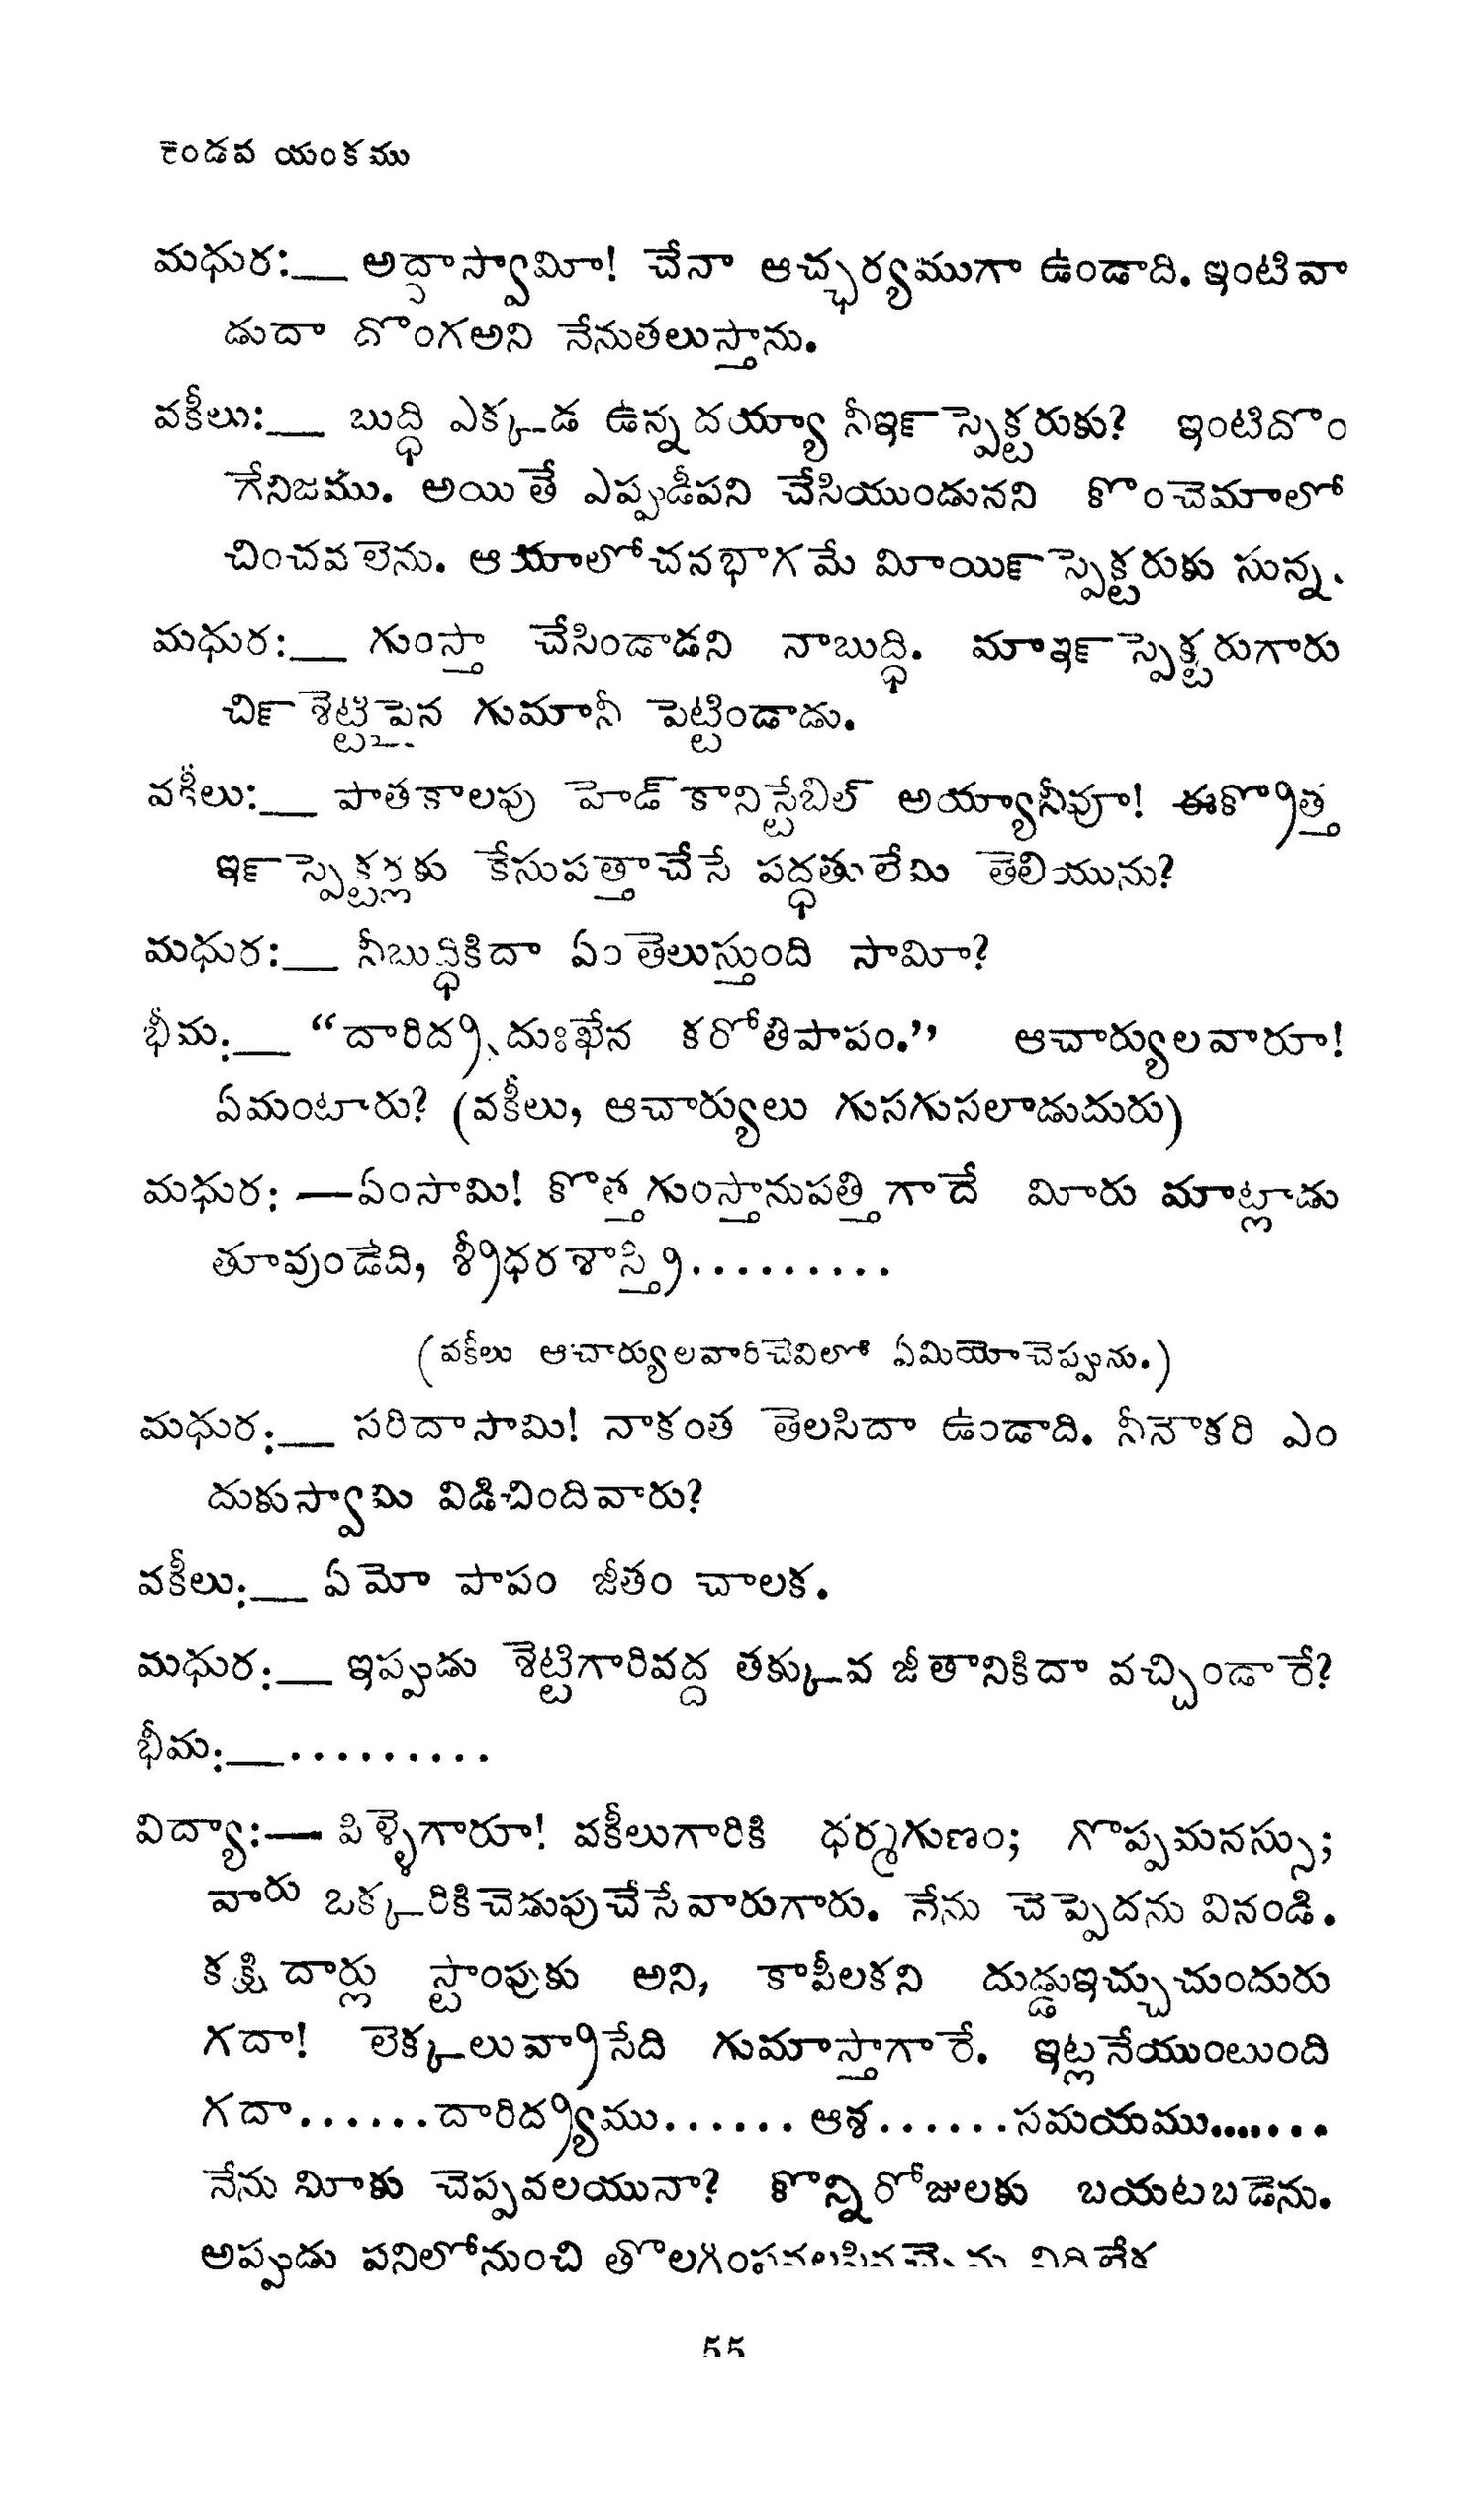మధుర:- అధాస్వామి! చేనా ఆచ్చర్యముగా ఉండాది. ఇంటివా
డుదా గొంగ అని నేనుతలుస్తాను.

వకీలు: - బుద్ధి ఎక్కడ ఉన్న దయ్యా నీఇన్ స్పెక్టరుకు? ఇంటిదొం
గేనిజము. అయి తే ఎప్పుడీపని చేసియుండునని కొంచెమాలో
చించవలెను. ఆ మాలోచన భాగమే మాయిన్ స్పెక్టరుకు సున్న,

మధుర: _ గుంస్తా చేసిండాడని నాబుద్ధి. మాఇన్ స్పెక్టరుగారు
చిన్ శెట్టి పైన గుమానీ "పెట్టిండాడు

వకీలు: __ పాత కాలపు హెడ్ కానిస్టేబిల్ అయ్యానీవూ! ఈ కొత్త
ఇన్ స్పెక్టర్లకు కేసుపత్తాచేసే పద్ధతు లేమి తెలియును?

మధుర : _ బుద్ధికి దా ఏ తెలుస్తుంది సామీ?'

భీమ. — “దారిద్ర, దుఃఖేన కరోతిపాపం.',
ఆచార్యులవారూ! ఏమంటారు? (వకీలు, ఆచార్యులు గుసగుసలాడుదురు)
మధుర: – ఏంసామి! కొత్త గుంస్తానుపత్తి గాదే వారు మాట్లాడు
తూవుండేది, శ్రీధర శాస్త్రి.....

మథుర:- సరిదా సామి! నాకంత తెలసిదా ఉండాది. నేనౌకరి ఎం
దుకు స్వామి విడిచింది వారు?

వకీలు. __ ఏమో పాపం జీతం చాలక.

మధుర: – ఇప్పుడు శెట్టిగారివద్ద తక్కువ జీతానికి దా వచ్చిండారే?

భీమ...........

విద్యా:-- పిళ్ళె గారూ! వకీలుగారికి ధర్మగుణం; గొప్ప మనస్సు;
వారు ఒక్కరికి చెడుపు చేసేవారుగారు. నేను చెప్పెదను వినండి .
కక్షి దార్లు స్టాంపుకు అని, కాపీలకని దుడ్డుఇచ్చుచుందురు
గదా! లెక్కలు వ్రాసేది గుమాస్తాగారే. ఇట్ల నేయుంటుంది
గదా...... దారిద్యము. . .ఆశ... . సమయము.......
నేను మీకు చెప్పవలయునా? కొన్ని రోజులకు బయటబడెను.
అప్పుడు పనిలోనుంచి తొలగింపవలసివచ్చెను విధి లేక